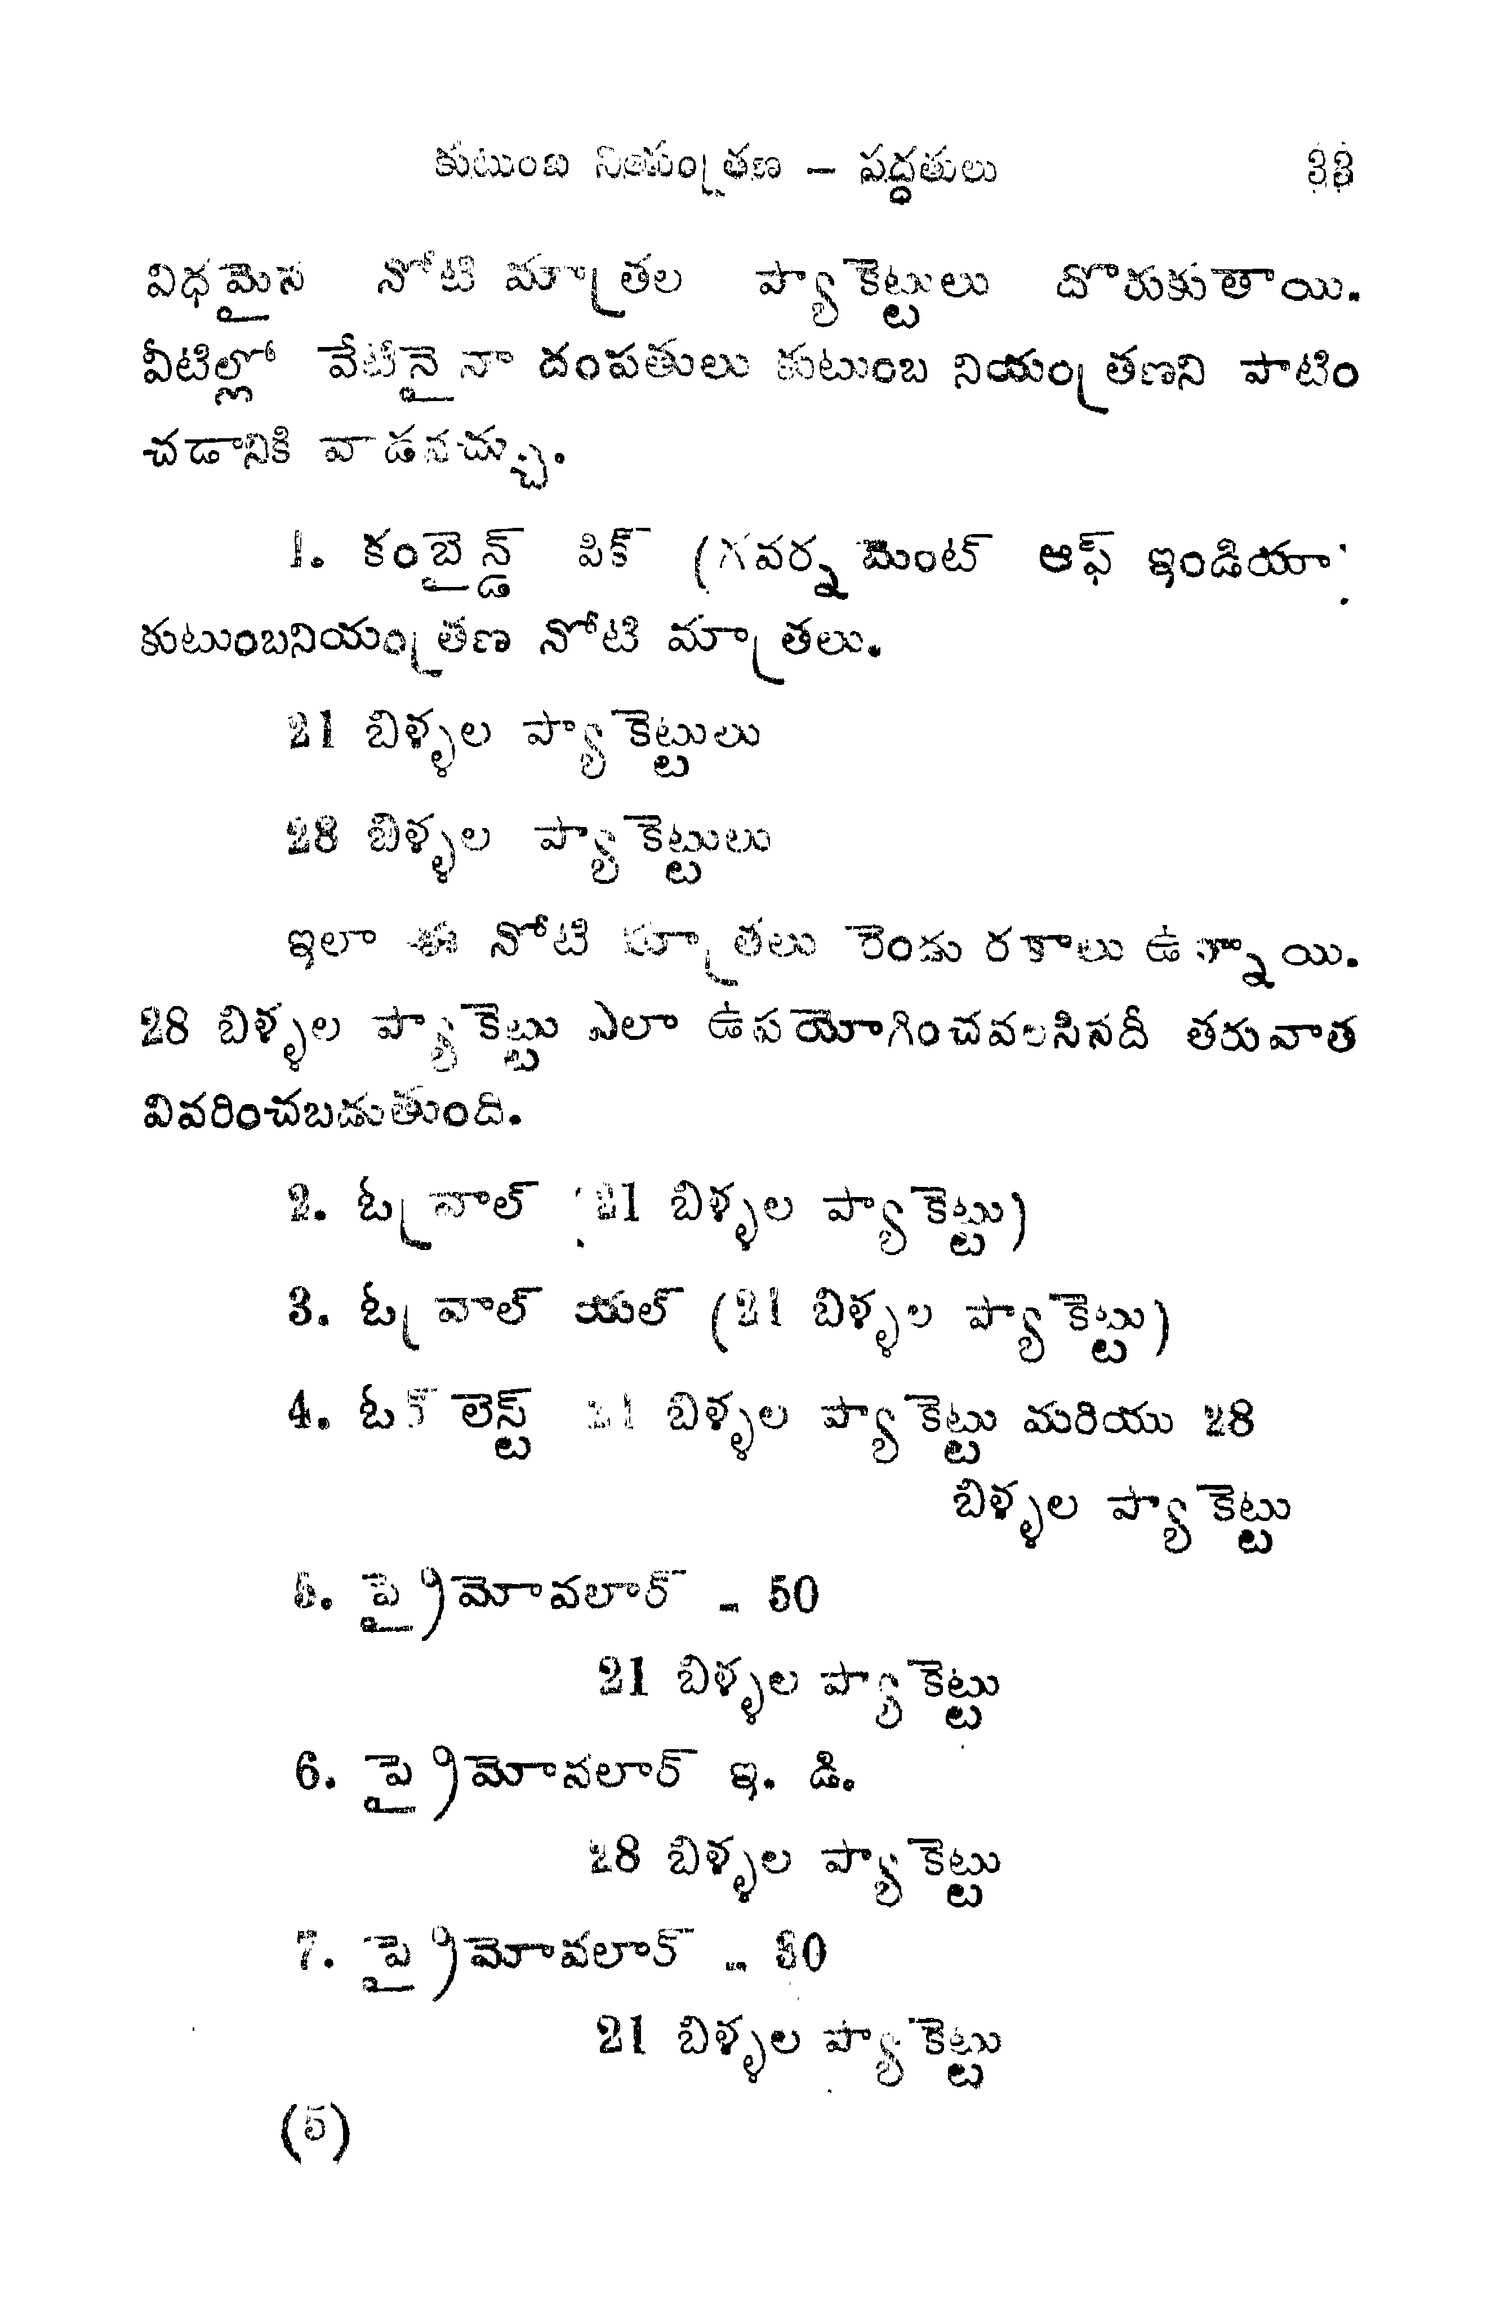విధమైన నోటి మాత్రల ప్యాకెట్టులు దొరుకుతాయి. వీటిల్లో వేటినైనా దంపతులు కుటుంబ నియంత్రణని పాటించడానికి వాడవచ్చు.

1.కంబైన్డ్ పిక్ (గవర్న మెంట్ ఆఫ్ ఇండియా) కుటుంబనియంత్రణ నోటి మాత్రలు.

21 బిళ్ళల ప్యాకెట్టులు

28 బిళ్ళల ప్యాకెట్టులు

ఇలా ఈ నోటి మాత్రలు రెండు రకాలు ఉన్నాయి. 28 బిళ్ళల ప్యాకెట్టు ఎలా ఉపయోగించవలసిందీ తరువాత వివరించబడుతుంది.

2. ఓవ్రాల్ (31 బిళ్ళల ప్యాకెట్టు)
 
3. ఓవ్రాల్ యల్ (21 బిళ్ళల ప్యాకెట్టు)

4. ఓర్ లెస్ట్ 21 బిళ్ళల ప్యాకెట్టు మరియు 28 భిళ్ళల ప్యాకెట్టు

5. ప్రైమోవలార్ - 50 - 21 బిళ్ళల ప్యాకెట్టు

6. ప్రైమోవలార్ ఇ.డి. - 28 బిళ్ళల ప్యాకెట్టు

7. ప్రైమోవలార్ - 30 - 21 బిళ్ళల ప్యాకెట్టు